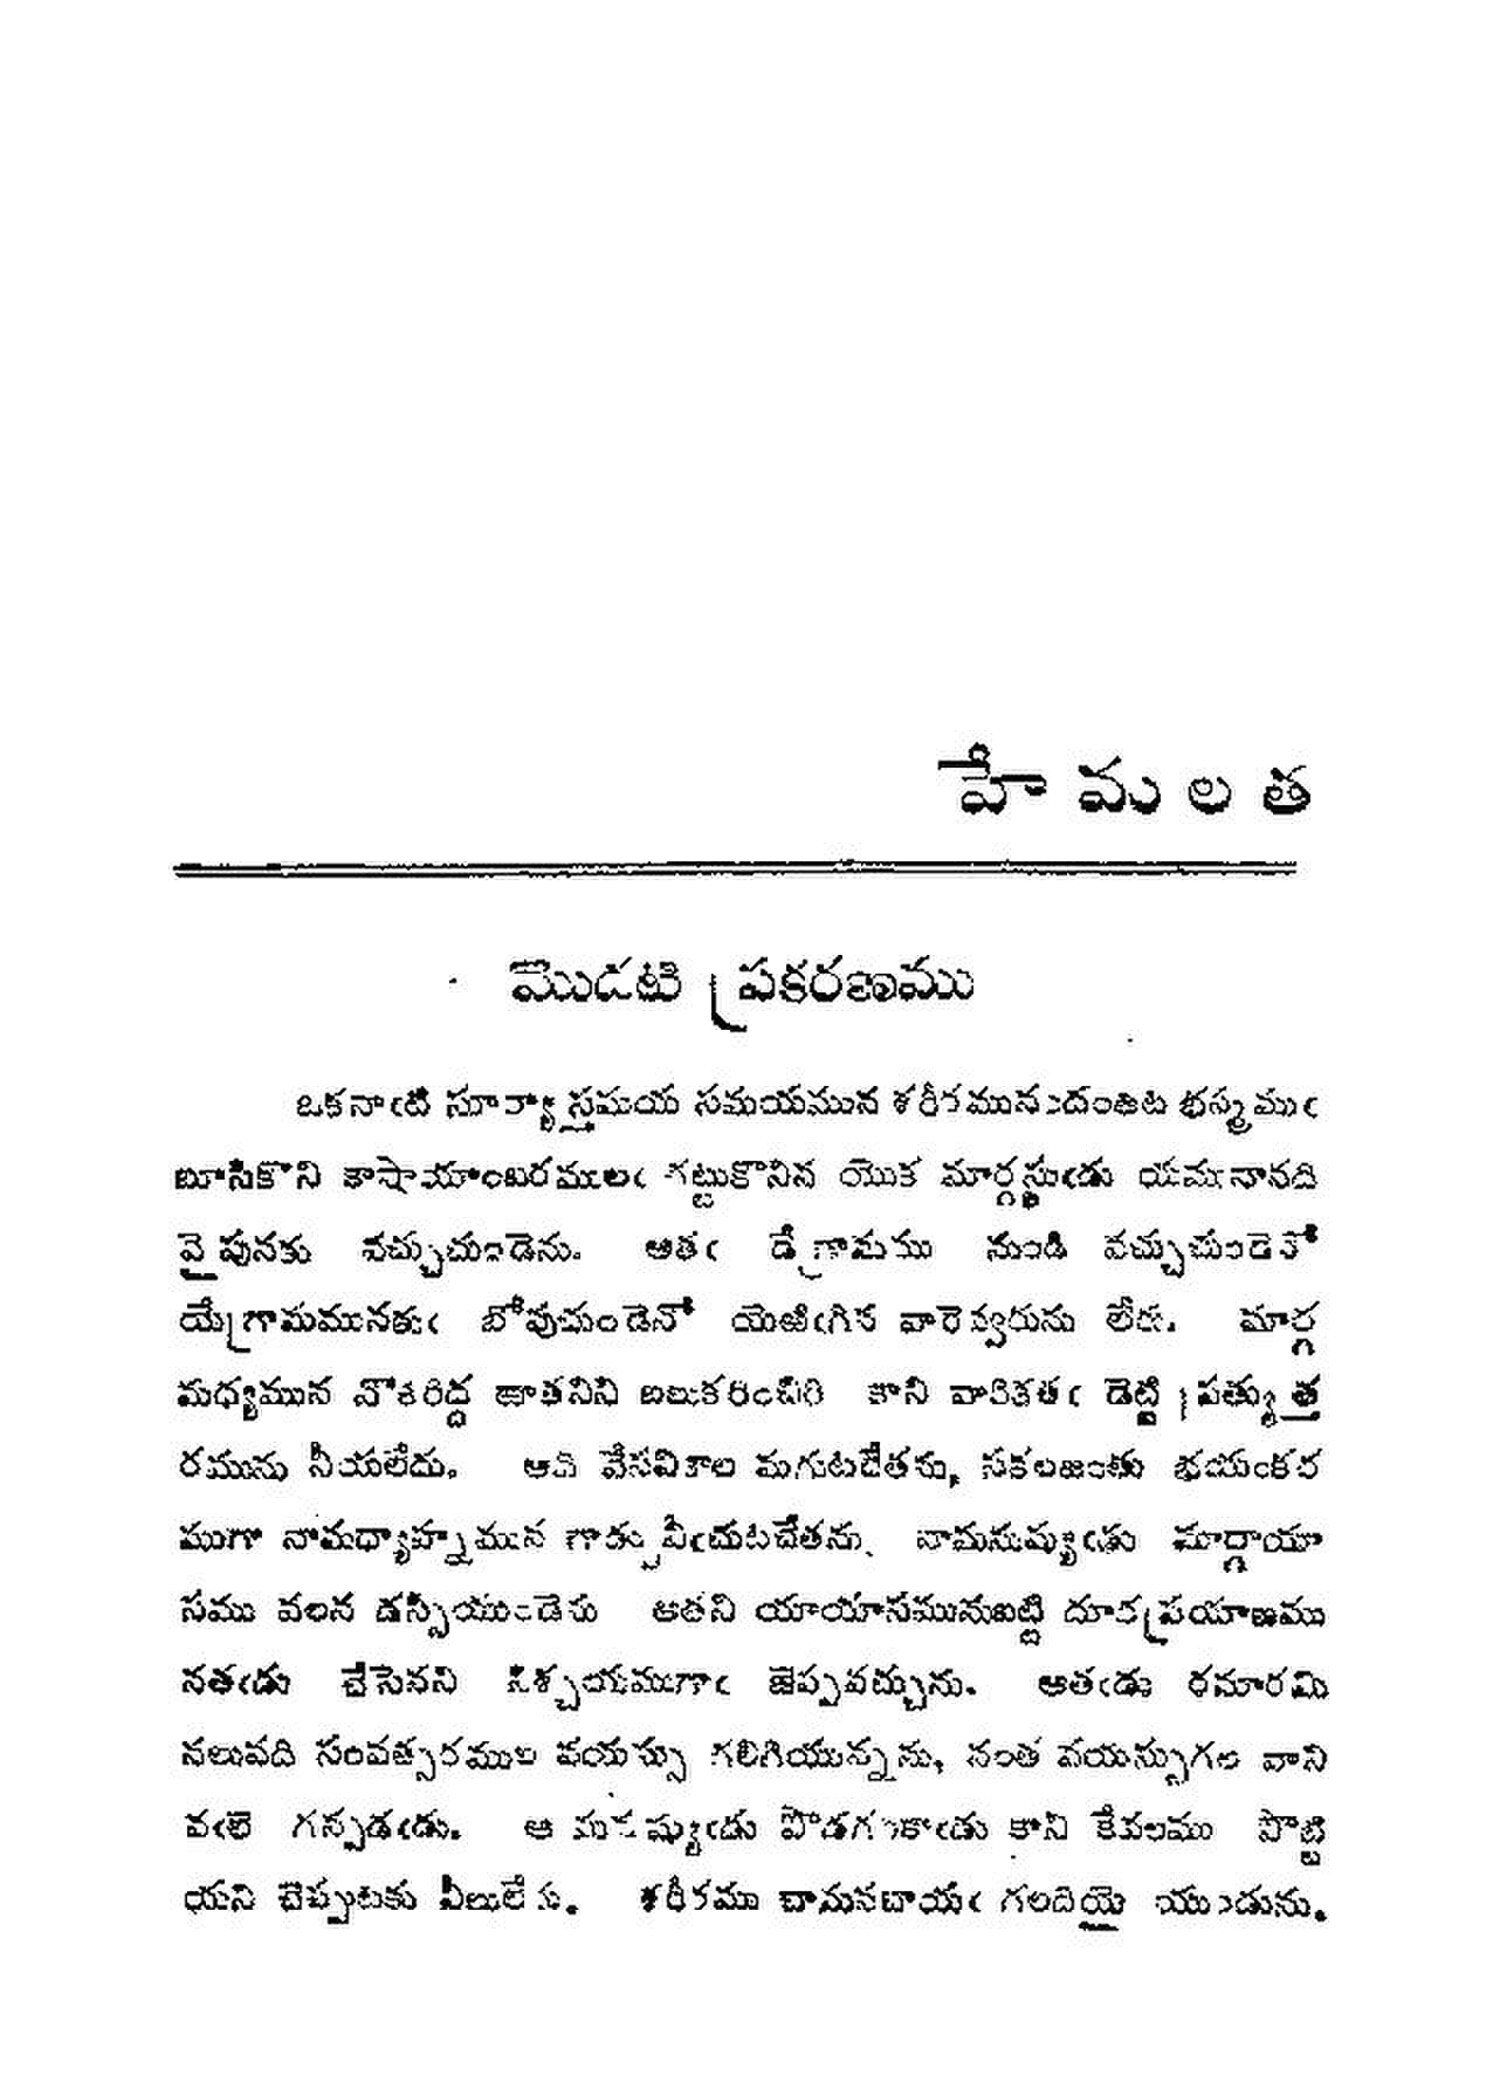ఒకనాఁటి సూర్యాస్తమయ సమయమున శరీరమునందంతట భస్మముఁ బూసికొని కాషాయాంబరములఁ గట్టుకొనిన యొక మార్గస్థుఁడు యమునానది వైపునకు వచ్చుచుండెను. అతఁ డేగ్రామము నుండి వచ్చుచుండెనో యేగ్రామమునకుఁ బోవుచుండెనో యేఱిఁగిన వారెవ్వరును లేరు. మార్గ మధ్యమున నొకరిద్ద ఱాతనిని బలుకరించిరి కాని వారికతఁ డెట్టి ప్రత్యుత్తరమును నీయలేదు. అది వేసవి కాల మగుటచేతను, సకలజంతు భయంకరముగా నామధ్యాహ్నమున వీఁచుటచేతను, నామనుష్యుఁడు మార్గాయాసము వలన డస్సియుండెను. అతని యాయాసమునుబట్టి దూరప్రయాణము నతఁడు చేసెనని నిశ్చయముగాఁ జెప్పవచ్చును. ఆతఁడు రమారమి నలువది సంవత్సరముల వయస్సు గలిగియున్నను, నంత వయస్సుగల వాని వఁలె గన్పడఁడు. ఆ మనుష్యుఁడు పొడగరికాఁడు కాని కేవలము పొట్టియని చెప్పుటకు వీలులేదు. శరీరము చామనచాయఁ గలదియై యుండును,